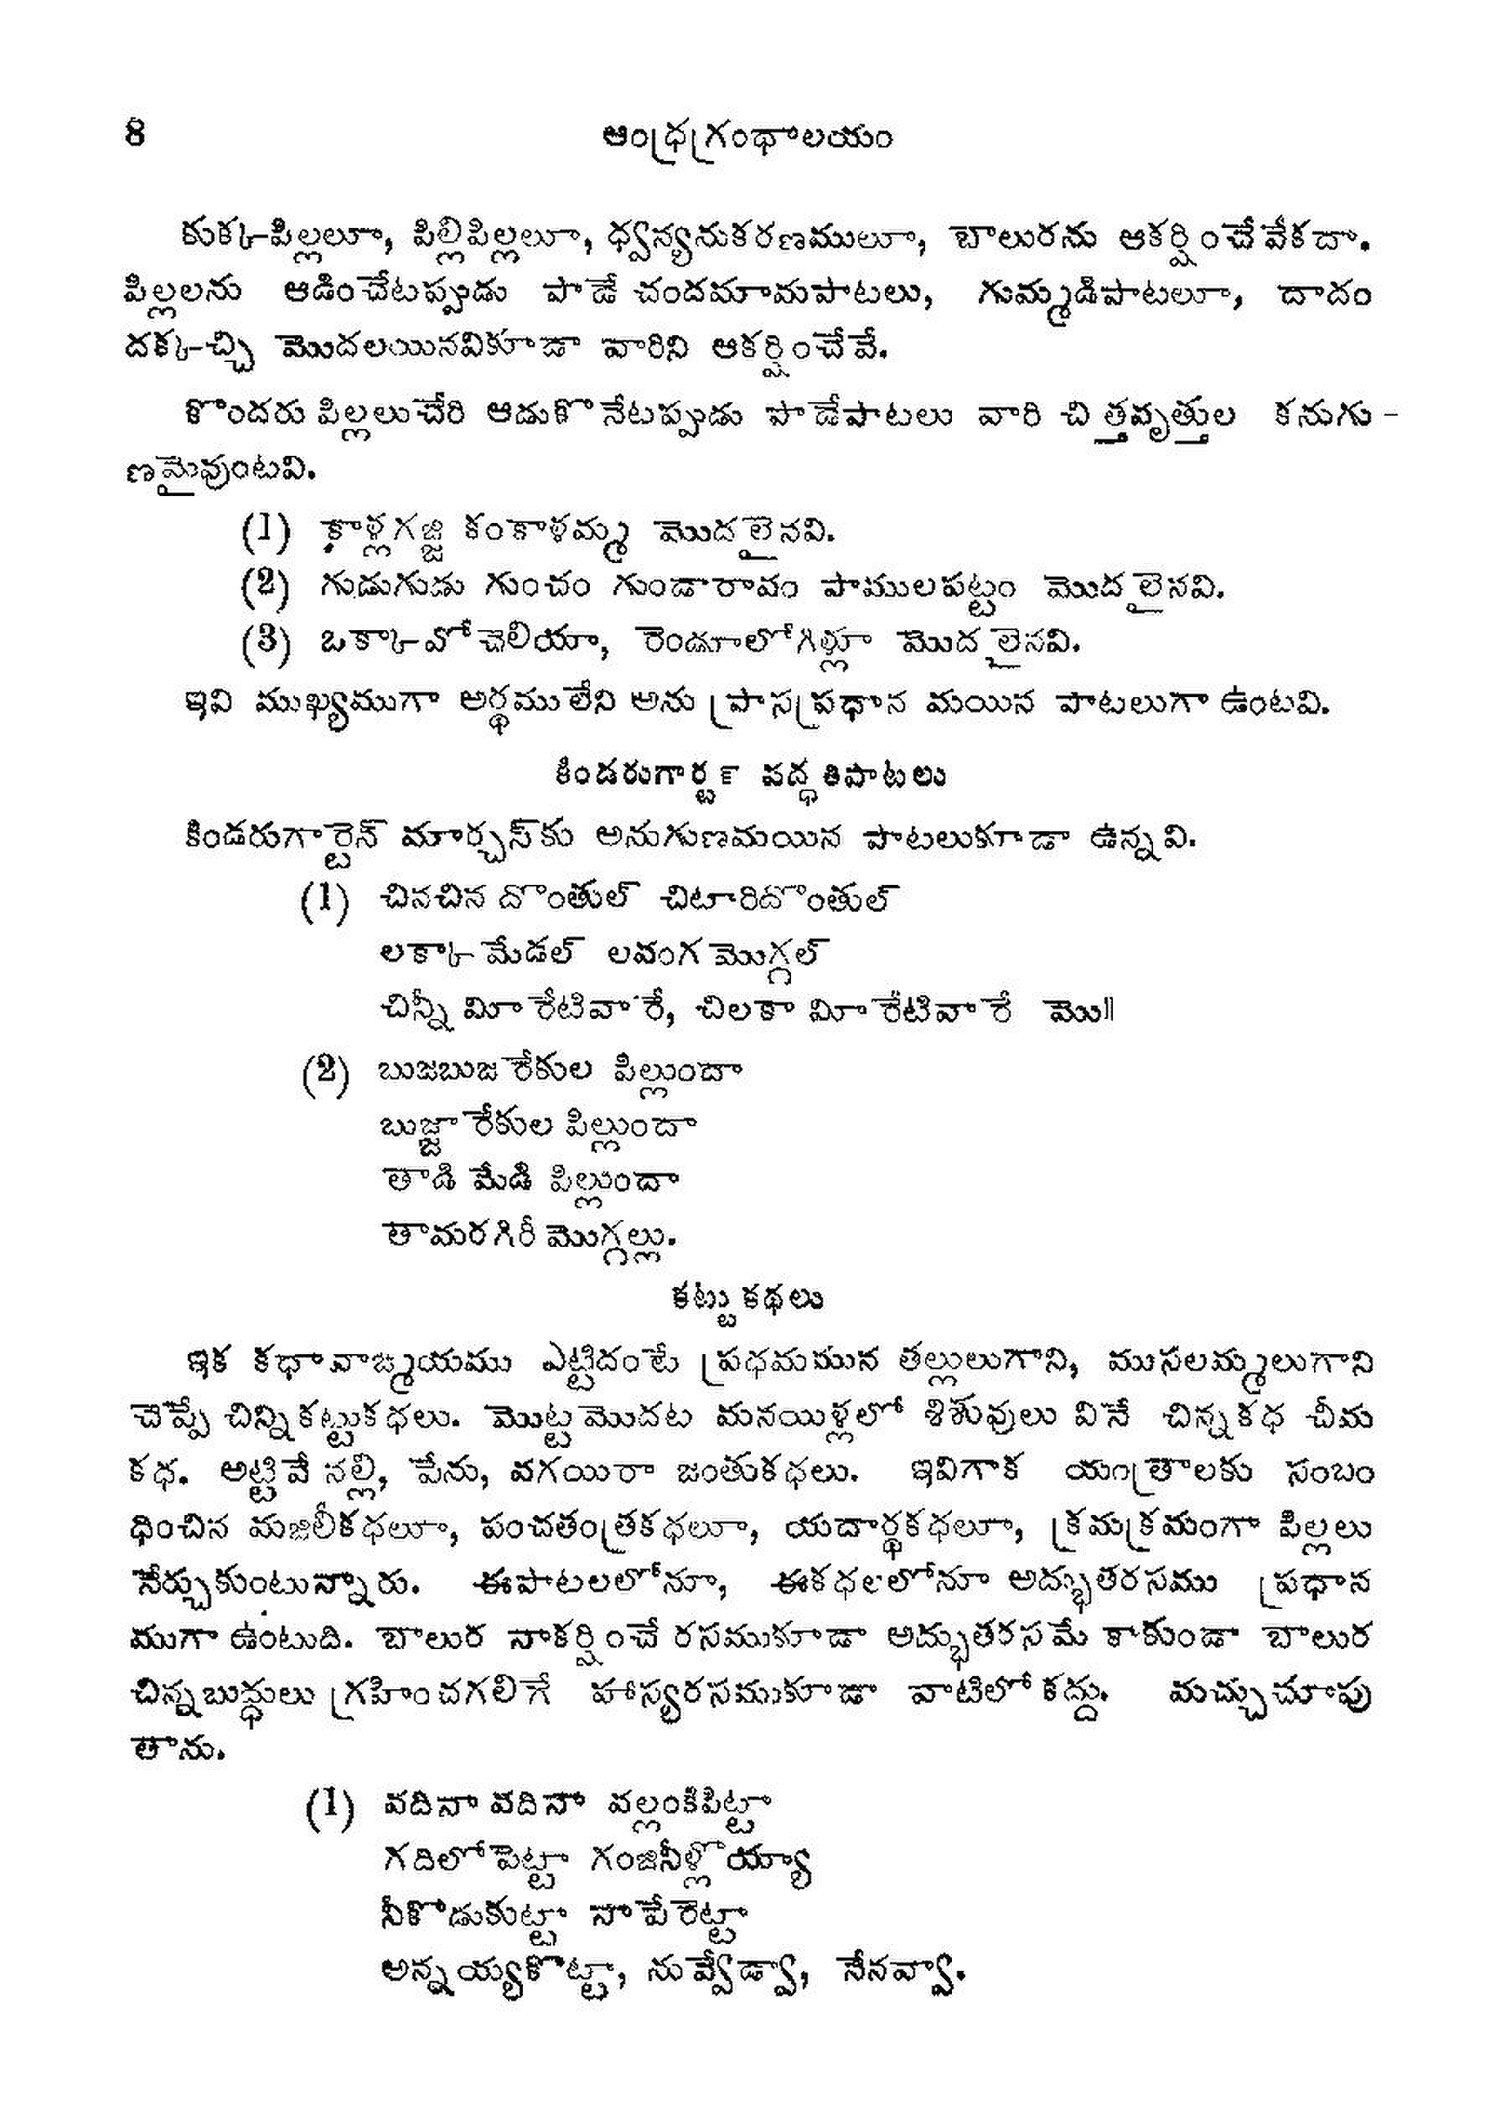కుక్కపిల్లలూ, పిల్లిపిల్లలూ, ధ్వన్యనుకరణములూ, బాలురను ఆకర్షించేవేకదా. 
పిల్లలను ఆడించేటప్పుడు పాడే చందమామ పాటలు, గుమ్మడిపాటలూ, దాదం
దక్కచ్చి మొదలయినవికూడా వారిని ఆకర్షించేవే.

కొందరు పిల్లలు చేరి ఆడుకొనేటప్పుడు పాడేపాటలు వారి చిత్తవృత్తుల కనుగుణమైవుంటవి.
(1) కాళ్ల గజ్జి కంకాళమ్మ మొదలైనవి.
(2) గుడుగుడు గుంచం గుండారావం పాములపట్టం మొదలైనవి.
(3) ఒక్కావో చెలియా, రెండూలోగిళ్లూ మొదలైనవి.
ఇవి ముఖ్యముగా అర్థములేని అను ప్రాసప్రధాన మయిన పాటలుగా ఉంటవి.

కిండరుగార్టెన్ మార్చస్ అనుగుణమయిన పాటలుకూడా ఉన్నవి.

ఇక కధావాఙ్మయము ఎట్టిదంటే ప్రధమమున తల్లులుగాని, ముసలమ్మలుగాని
చెప్పే చిన్ని కట్టుకధలు. మొట్టమొదట మనయిళ్లలో శిశువులు వినే చిన్న కధ చీమ
కధ. అట్టివే నల్లి, పేను, వగయిరా జంతు కధలు. ఇవిగాక యంత్రాలకు సంబంధించిన 
మజిలీ కధలూ, పంచతంత్ర కథలూ, యదార్థకధలూ, క్రమక్రమంగా పిల్లలు
నేర్చుకుంటున్నారు. ఈ పాటలలోనూ, ఈకథలలోనూ అద్భుతరసము ప్రధానముగా ఉంటుది. 
బాలుర నాకర్షించే రసముకూడా అద్భుతరసమే కాకుండా బాలుర చిన్న బుద్ధులు గ్రహించగలిగే 
హాస్యరసముకూడా వాటిలో కద్దు. వచ్చు చూపుతాను.